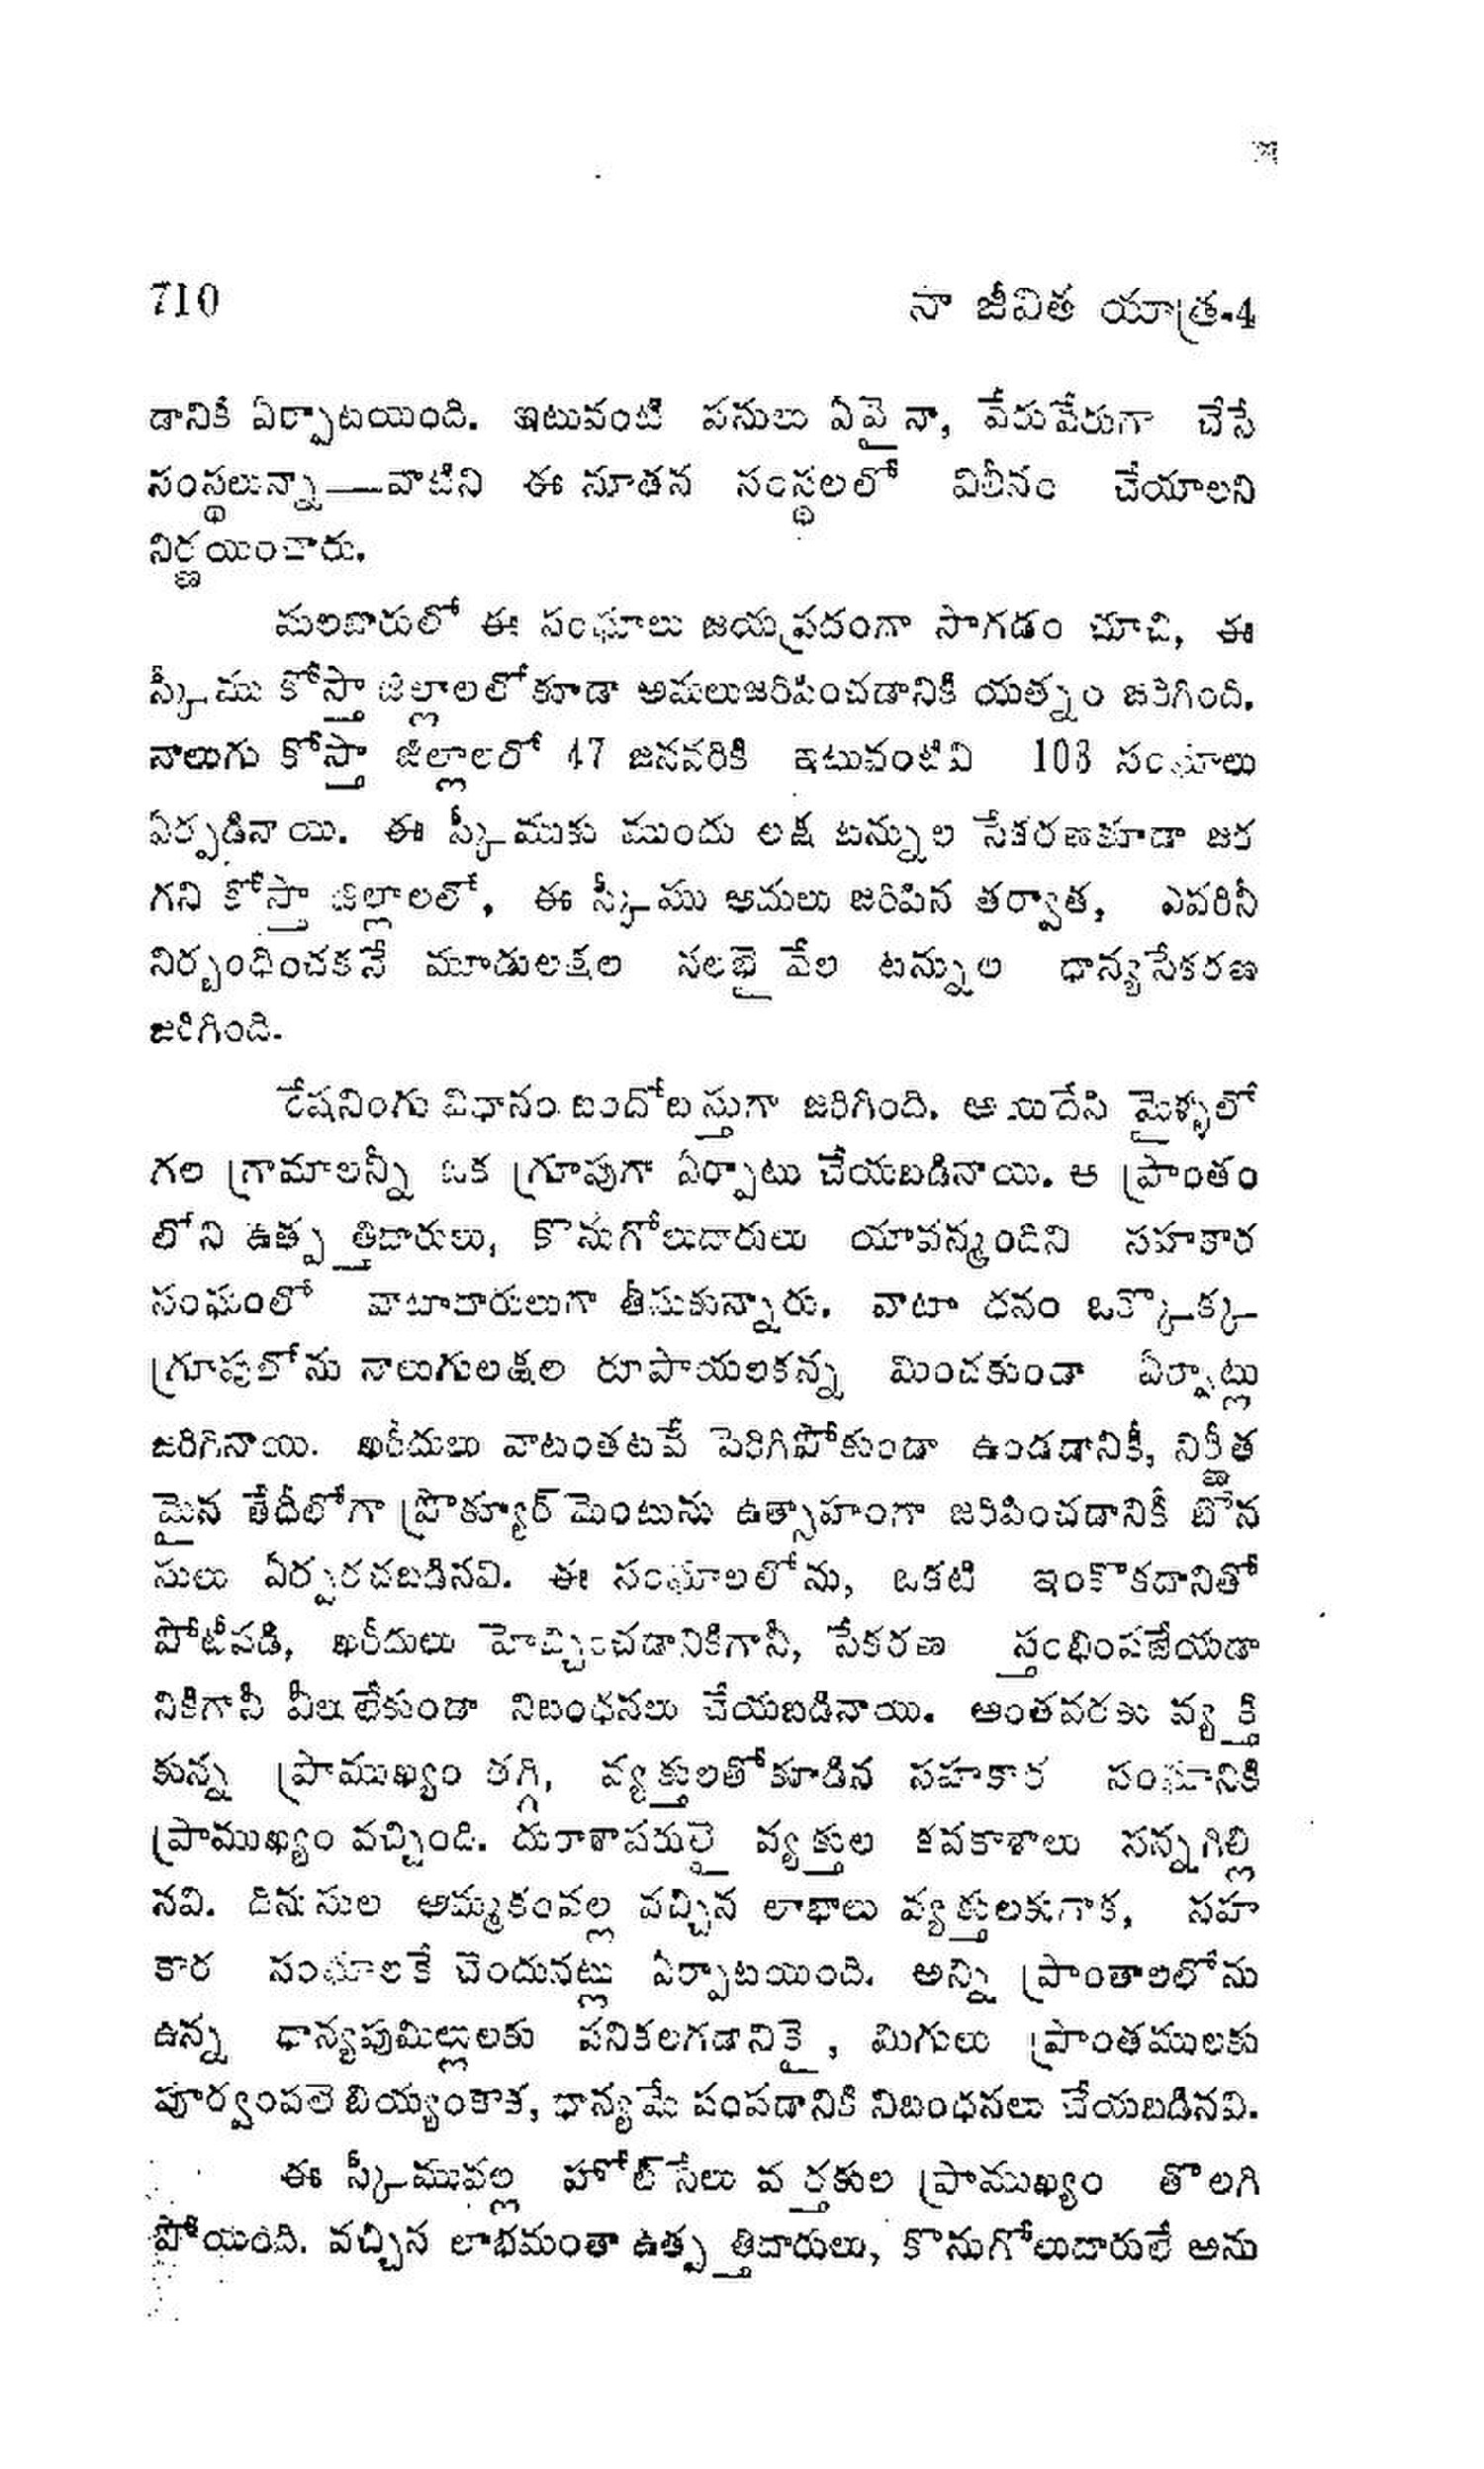డానికి ఏర్పాటయింది. ఇటువంటి పనులు ఏవైనా, వేరువేరుగా చేసే సంస్థలున్నా - వాటిని ఈ నూతన సంస్థలలో విలీనం చేయాలని నిర్ణయించారు.

మలబారులో ఈ సంఘాలు జయప్రదంగా సాగడం చూచి, ఈ స్కీము కోస్తా జిల్లాలలో కూడా అమలుజరిపించడానికి యత్నం జరిగింది. నాలుగు కోస్తా జిల్లాలలో 47 జనవరికి ఇటువంటివి 108 సంఘాలు ఏర్పడినాయి. ఈ స్కీముకు ముందు లక్ష టన్నుల సేకరణకూడా జరగని కోస్తా జిల్లాలలో, ఈ స్కీము అమలు జరిపిన తర్వాత, ఎవరినీ నిర్భంధించకనే మూడులక్షల నలబై వేల టన్నుల ధాన్యసేకరణ జరిగింది.

రేషనింగు విధానం బందోబస్తుగా జరిగింది. అయిదేసి మైళ్ళలో గల గ్రామాలన్నీ ఒక గ్రూపుగా ఏర్పాటు చేయబడినాయి. ఆ ప్రాంతంలోని ఉత్పత్తిదారులు, కొనుగోలుదారులు యావన్మందిని సహకార సంఘంలో వాటాదారులుగా తీసుకున్నారు. వాటా ధనం ఒక్కొక్క గ్రూపులోను నాలుగులక్షల రూపాయలకన్న మించకుండా ఏర్పాట్లు జరిగినాయి. ఖరీదులు వాటంతటవే పెరిగి పోకుండా ఉండడానికీ, నిర్ణీతమైన తేదీలోగా ప్రొక్యూర్‌మెంటును ఉత్సాహంగా జరిపించడానికీ బోనసులు ఏర్పరచబడినవి. ఈ సంఘాలలోను, ఒకటి ఇంకొకదానితో పోటీపడి, ఖరీదులు హెచ్చించడానికిగానీ, సేకరణ స్తంభింపజేయడానికిగానీ వీలులేకుండా నిబంధనలు చేయబడినాయి. అంతవరకు వ్యక్తికున్న ప్రాముఖ్యం తగ్గి, వ్యక్తులతోకూడిన సహకార సంఘానికి ప్రాముఖ్యం వచ్చింది. దురాశాపరులై వ్యక్తుల కవకాశాలు సన్నగిల్లినవి. దినుసుల అమ్మకంవల్ల వచ్చిన లాభాలు వ్యక్తులకుగాక, సహకార సంఘాలకే చెందునట్లు ఏర్పాటయింది. అన్ని ప్రాంతాలలోను ఉన్న ధాన్యపుమిల్లులకు పనికలగడానికై, మిగులు ప్రాంతములకు పూర్వం వలె బియ్యం కాక, ధాన్యమే పంపడానికి నిబంధనలు చేయబడినవి.

ఈ స్కీమువల్ల హోల్‌సేలు వర్తకుల ప్రాముఖ్యం తొలగి పోయింది. వచ్చిన లాభమంతా ఉత్పత్తిదారులు, కొనుగోలుదారులే అను